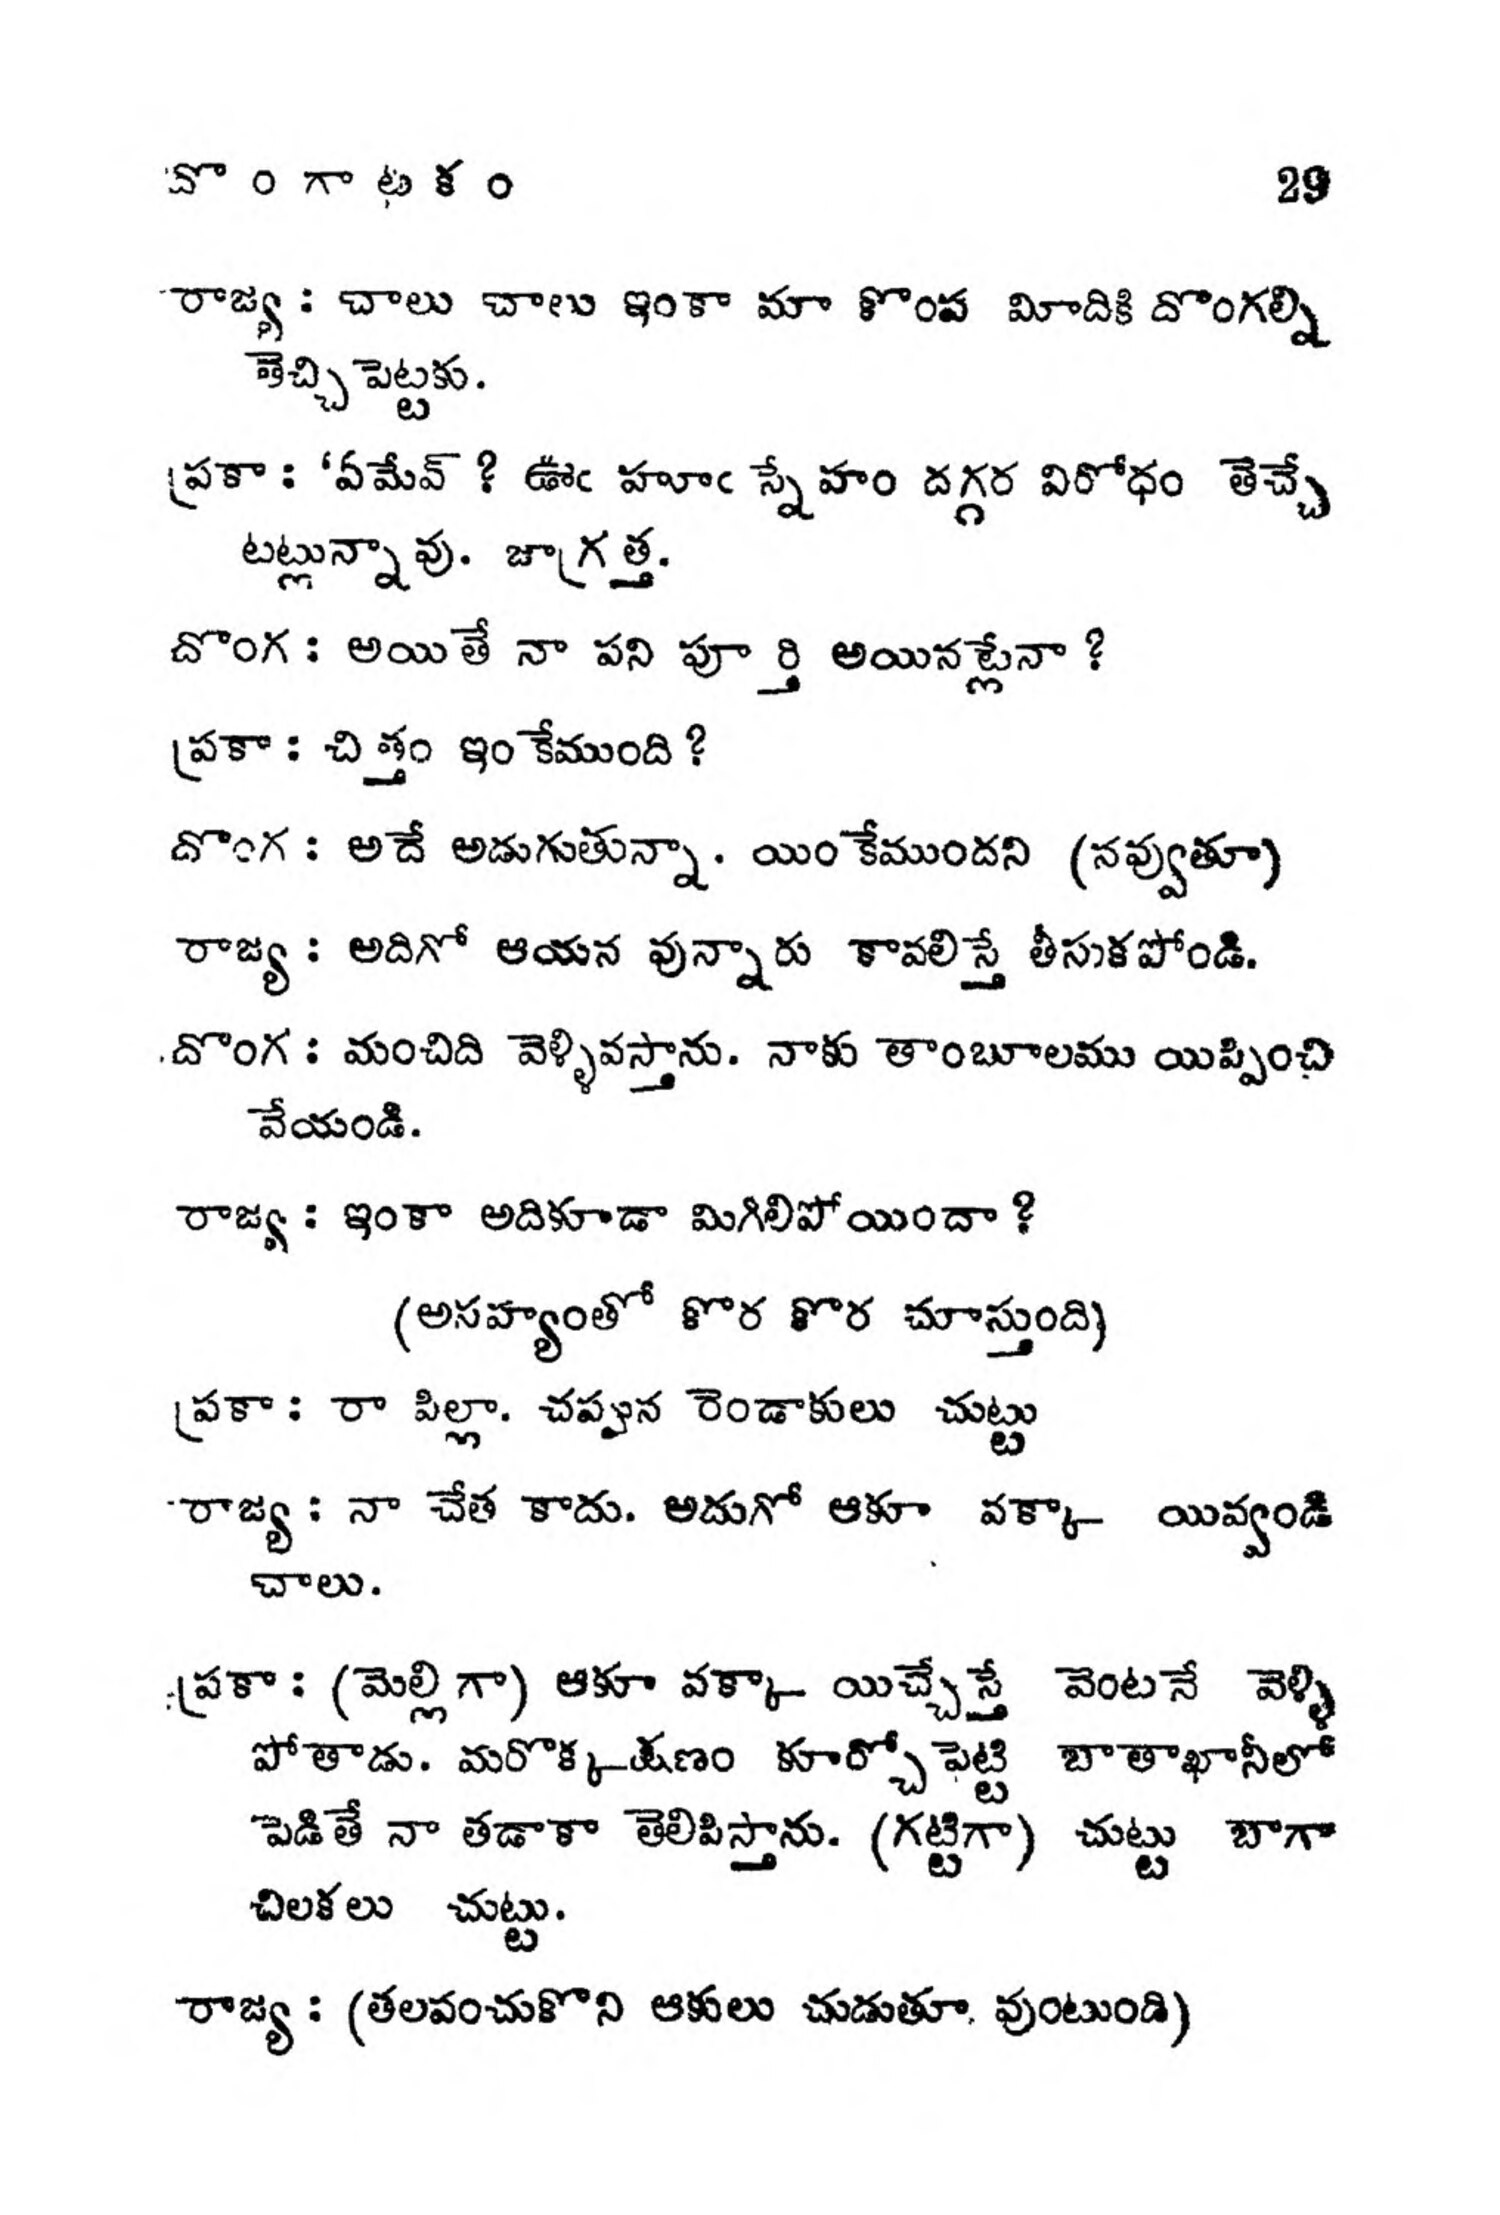రాజ్య : చాలు చాలు ఇంకా మా కొంప మీదికి దొంగల్ని తెచ్చి పెట్టకు.

ప్రకా : 'ఏమేవ్? ఊఁ హూఁ స్నేహం దగ్గర విరోధం తెచ్చేటట్లున్నావు. జాగ్రత్త.

దొంగ : అయితే నా పని పూర్తి అయినట్లేనా?

ప్రకా : చిత్తం ఇంకేముంది ?

దొంగ : అదే అడుగుతున్నా. యింకేముందని (నవ్వుతూ)

రాజ్య : అదిగో ఆయన వున్నారు కావలిస్తే తీసుకపోండి.

దొంగ : మంచిది వెళ్ళివస్తాను. నాకు తాంబూలము యిప్పించి వేయండి.

రాజ్య : ఇంకా అదికూడా మిగిలిపోయిందా?

ప్రకా : రా పిల్లా. చప్పున రెండాకులు చుట్టు

రాజ్య : నా చేత కాదు. అదుగో ఆకూ వక్కా యివ్వండి చాలు.

ప్రకా : (మెల్లిగా) ఆకూ వక్కా యిచ్చేస్తే వెంటనే వెళ్ళిపోతాడు. మరొక్క క్షణం కూర్చో పెట్టి బాతాఖానీలో
పెడితే నా తడాకా తెలిపిస్తాను. (గట్టిగా) చుట్టు బాగా చిలకలు చుట్టు.

రాజ్య : (తలవంచుకొని ఆకులు చుడుతూ వుంటుంది)